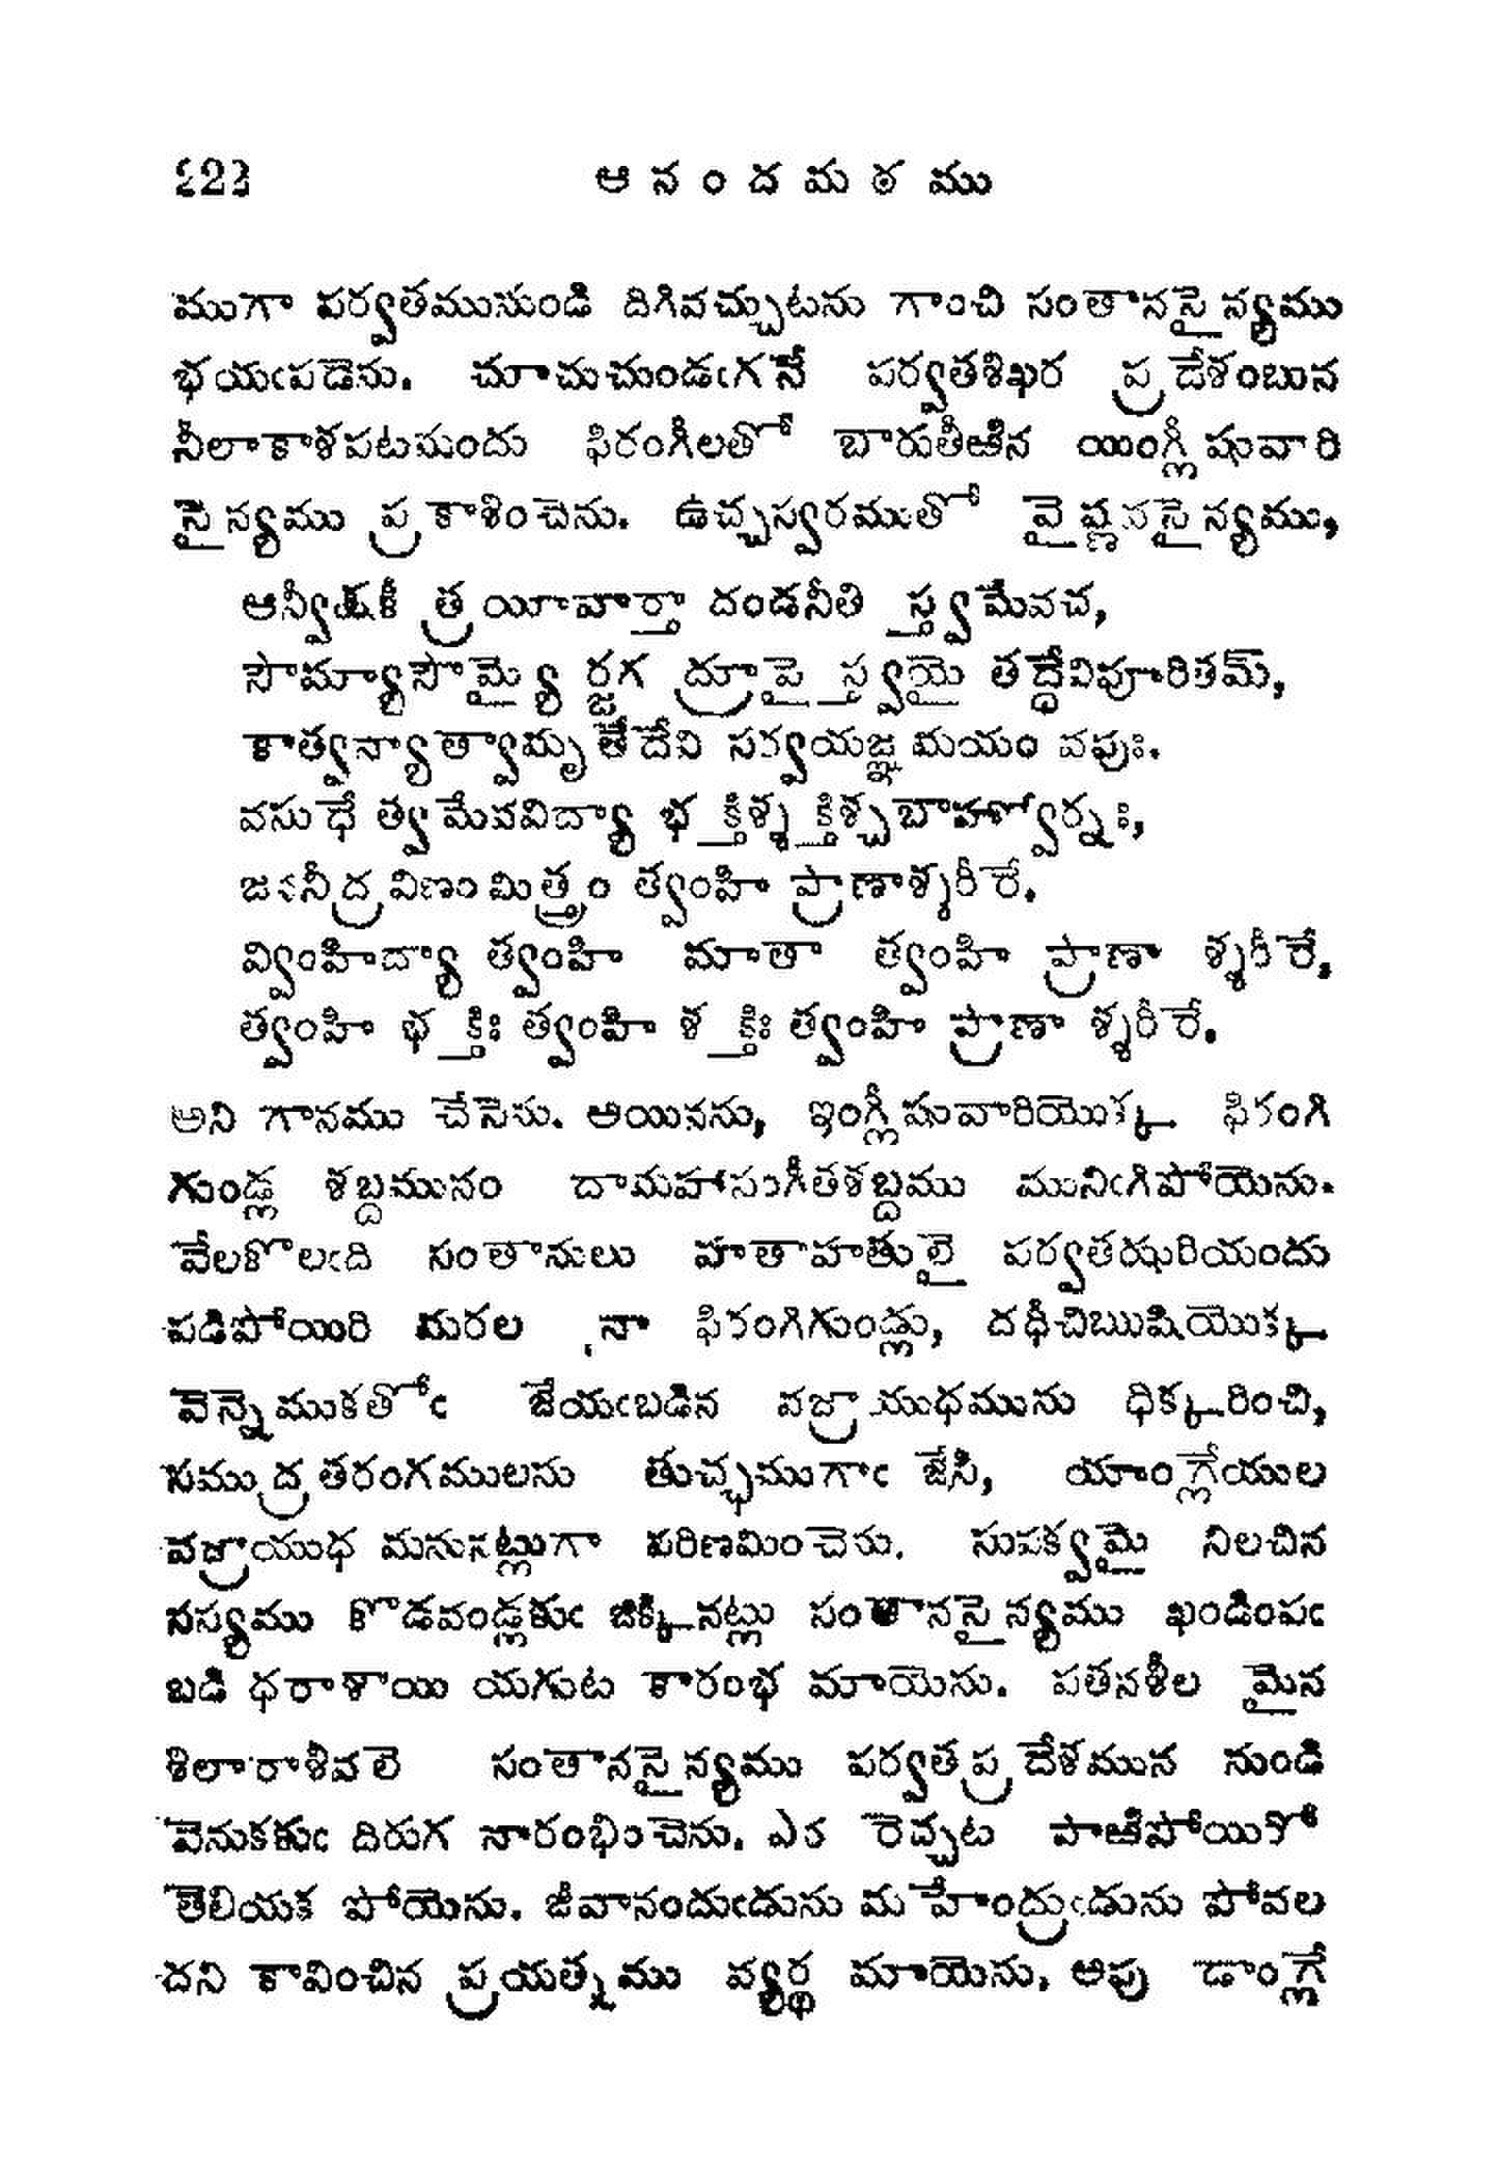ముగా పర్వతమునుండి దిగివచ్చుటను గాంచి సంతాన సైన్యము భయఁపడెను. చూచుచుండగనే పర్వతశిఖర ప్రదేశంబున
నీలాకాశపటమందు ఫిరంగీలతో బారుతీఱిన యింగ్లీషువారి సైన్యము ప్రకాశించెను. ఉచ్ఛస్వరముతో వైష్ణవ సైన్యము.

ఆన్వీక్షకీ త్రయీవార్తా దండనీతి స్త్వమేవచ,
సౌమ్యాసౌమ్యై ర్జగ ద్రూపై స్త్వయై తద్దేవిపూరితమ్,
కాత్వన్యాత్వామృతేదేవి సర్వయజ్ఞమయం వపుః,
వసుధే త్వమేవవిద్యా భక్తిశ్శక్తిశ్చబాహ్వోర్న: ,
జననీద్ర విణం మిత్రం త్వంహి ప్రాణాశ్శరీరే.
వ్వింహిద్యా త్వంహి మాతా త్వంహి ప్రాణా శ్శరీరే,
త్వంహి భక్తిః త్వంహి శక్తిః త్వంహి ప్రాణా శ్శరీరే.

అని గానము చేసెను. అయినను, ఇంగ్లీషువారియొక్క ఫిరంగి గుండ్ల శబ్దమునం దామహాసంగీతశబ్దము మునిఁగిపోయెను.
వేలకొలఁది సంతానులు హతాహతులై పర్వతఝరియందు పడిపోయిరి మరల నా ఫిరంగిగుండ్లు, దధీచిఋషి యొక్క వెన్నెముకతోఁ జేయఁబడిన వజ్రాయుధమును ధిక్కరించి, సముద్ర తరంగములను తుచ్ఛము గాఁ జేసి, యాంగ్లేయుల
వజ్రాయుధ మనునట్లుగా పరిణమించెను. సుపక్వమై నిలచిన నస్యము కొడవండ్లకుఁ జిక్కినట్లు సంతాన సైన్యము ఖండింప
బడి ధరాశాయి యగుట కారంభ మాయెను. పతనళీల మైన శిలా రాశివలె సంతాన సైన్యము పర్వత ప్రదేశమున నుండి
'వెనుకకుఁ దిరుగ నారంభించెను. ఎవ రెచ్చట పాఱిపోయిరో తెలియక పోయేను. జీవానందుఁడును మహేంద్రుఁడును పోవల
దని కావించిన ప్రయత్నము వ్యర్థ మాయెను, అపు డాంగ్లే